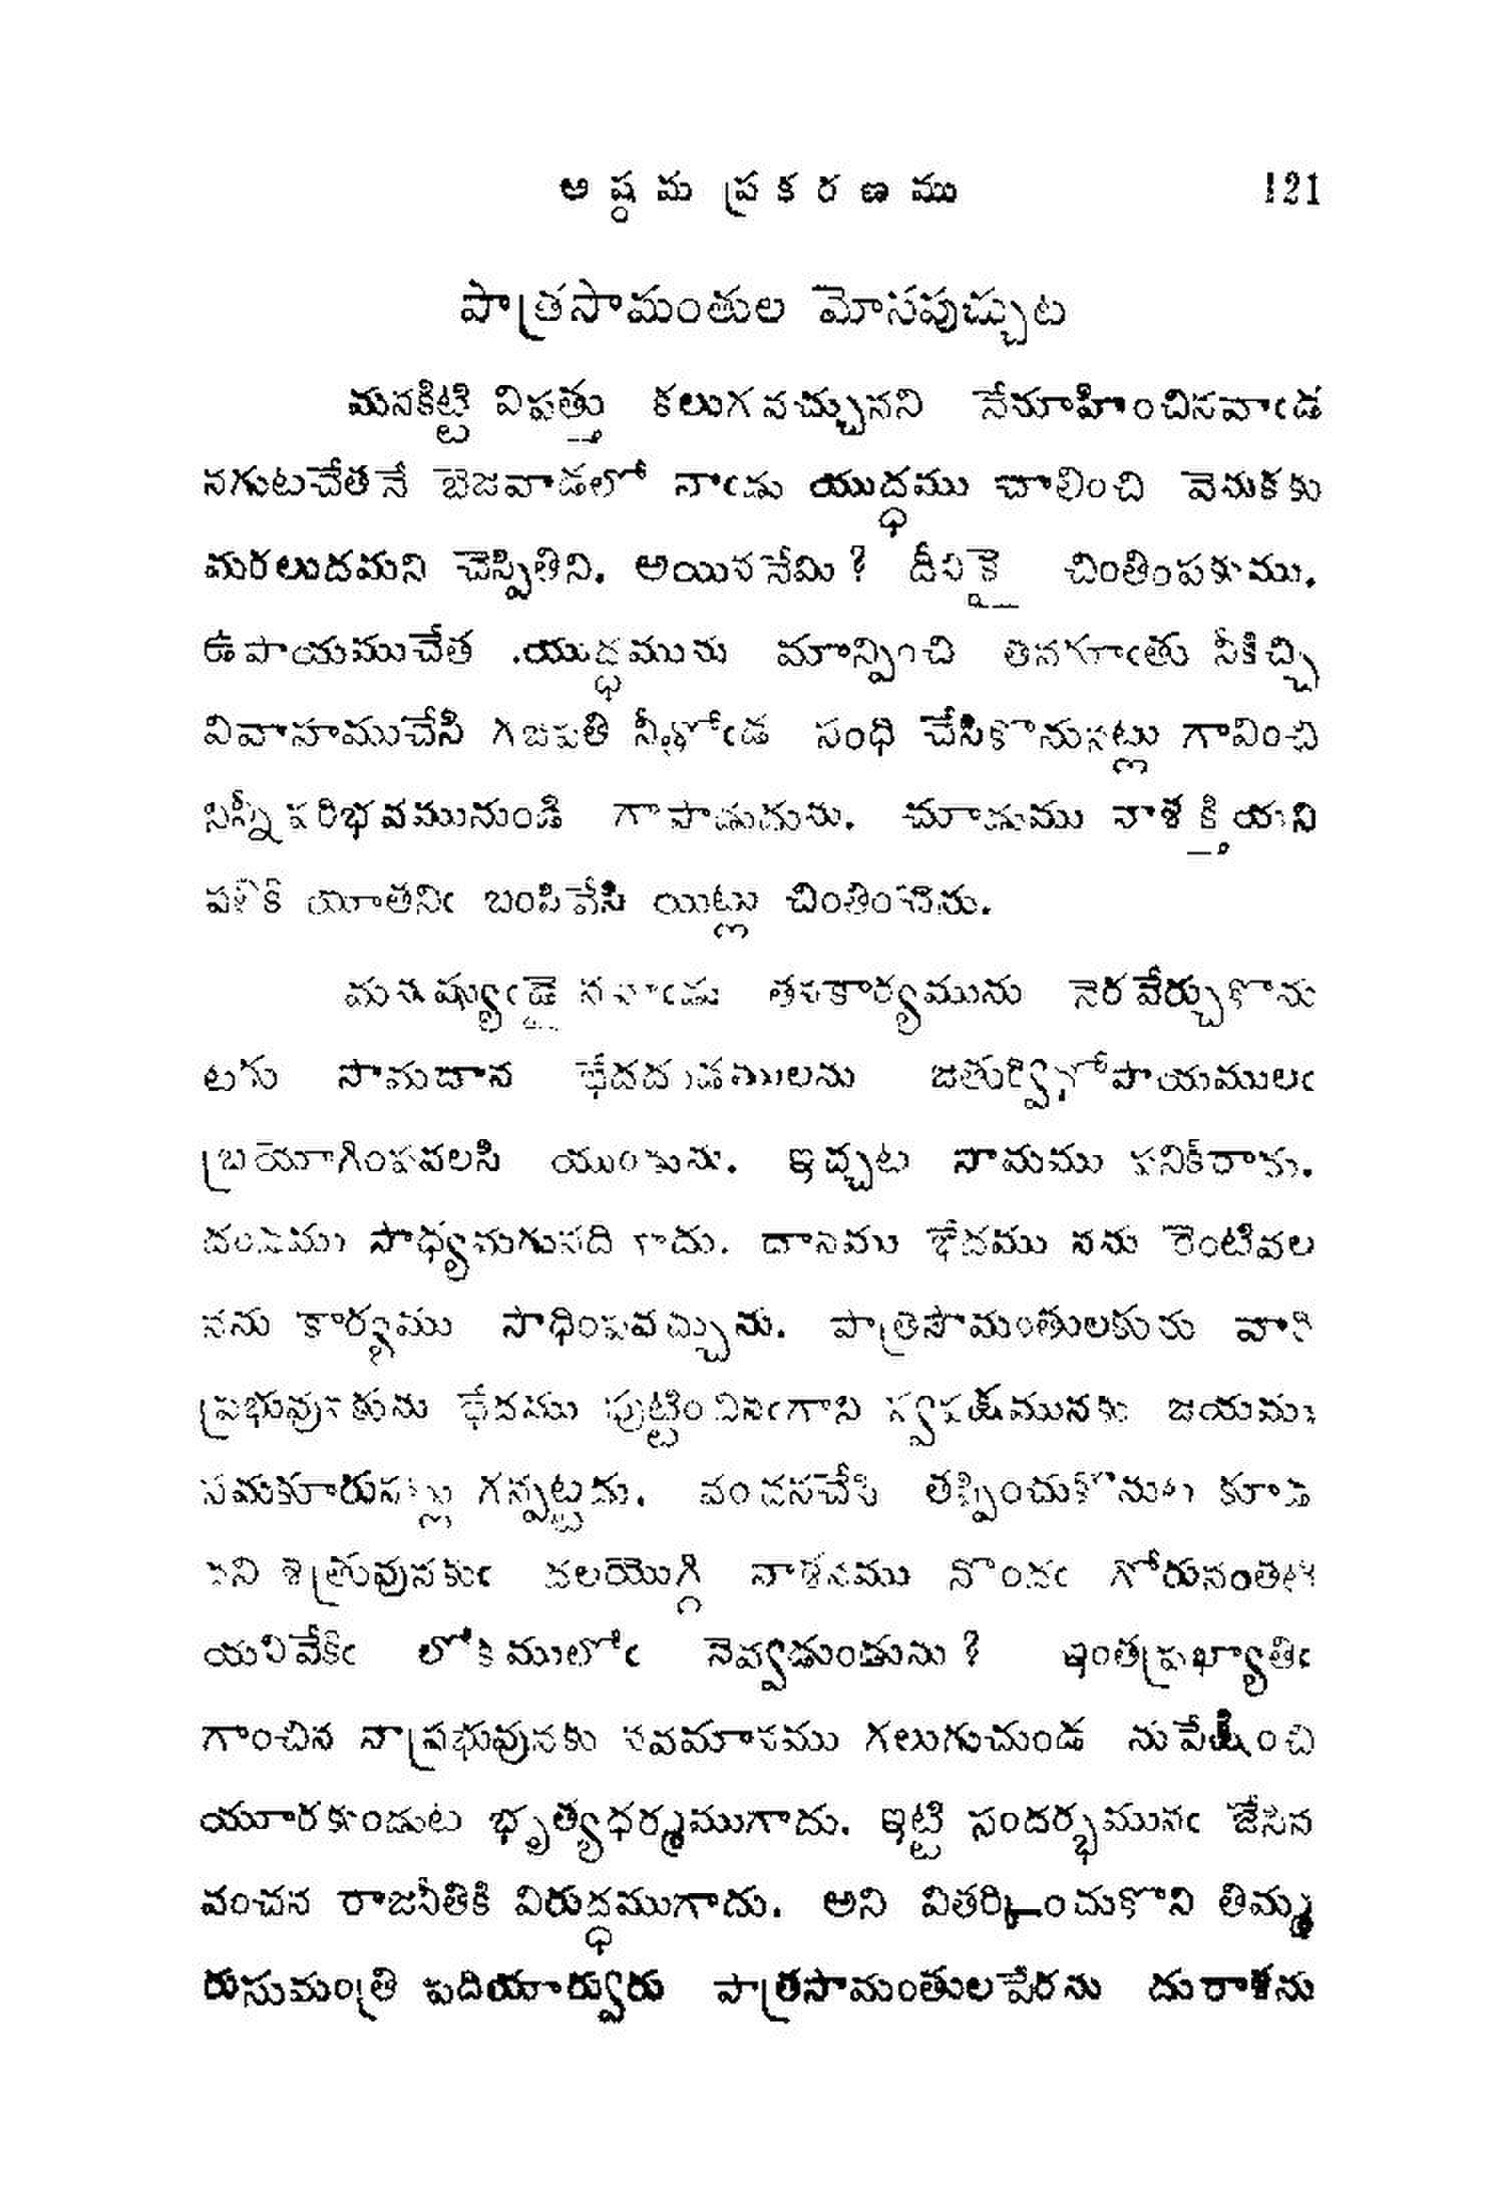పాత్రసామంతుల మోసపుచ్చుట 

మనకిట్టి విపత్తు కలుగవచ్చునని నేనూహించినవాఁడ నగుటచేతనే బెజవాడలో నాఁడు యుద్ధము చాలించి వెనుకకు మరలుదమని చెప్పితిని. అయిననేమి? దీనికై చింతింపకుము. ఉపాయముచేత యుద్ధమును మాన్పించి తనకూఁతు నీకిచ్చి వివాహముచేసి గజపతి నీతోడ సంధి చేసికొనునట్లు గావించి నిన్నీ పరిభవమునుండి గాపాడుదును. చూడుము నాశక్తియని పలికి యాతనిఁ బంపివేసి యిట్లు చింతించెను.

మనష్యుఁడైనవాఁడు తనకార్యమును నెరవేర్చుకొనుటకు సామదాన భేదదండములను జతుర్విధోపాయములఁ బ్రయోగింపవలసి యుండును. ఇచ్చట నామము పనికిరాదు. దండము సాధ్యమగునది గాదు. దానము భేదము నను రెంటివలనను కార్యము సాధింపవచ్చును. పాత్రసామంతులకును వారి ప్రభువునకును భేదము పుట్టించినఁగాని స్వపక్షమునకు జయము సమకూరునట్లు గన్పటదు. వంచనచేసి తప్పించుకొనుట కూడదని శత్రువునకుఁ దలయొగ్గి నాశనము నొందఁ గోరునంతటి యవివేకిఁ లోకిములో నెవ్వడుండును? ఇంతప్రఖ్యాతిఁ గాంచిన నాప్రభువునకు నవమానము గలుగుచుండ నుపేక్షించి యూరకుండుట భృత్యధర్మముగాదు. ఇట్టి సందర్భమునఁ జేసిన వంచన రాజనీతికి విరుద్ధముగాదు. అని వితర్కించుకొని తిమ్మరుసుమంత్రి పదియార్వురు పాత్రసామంతులపేరను దురాశను